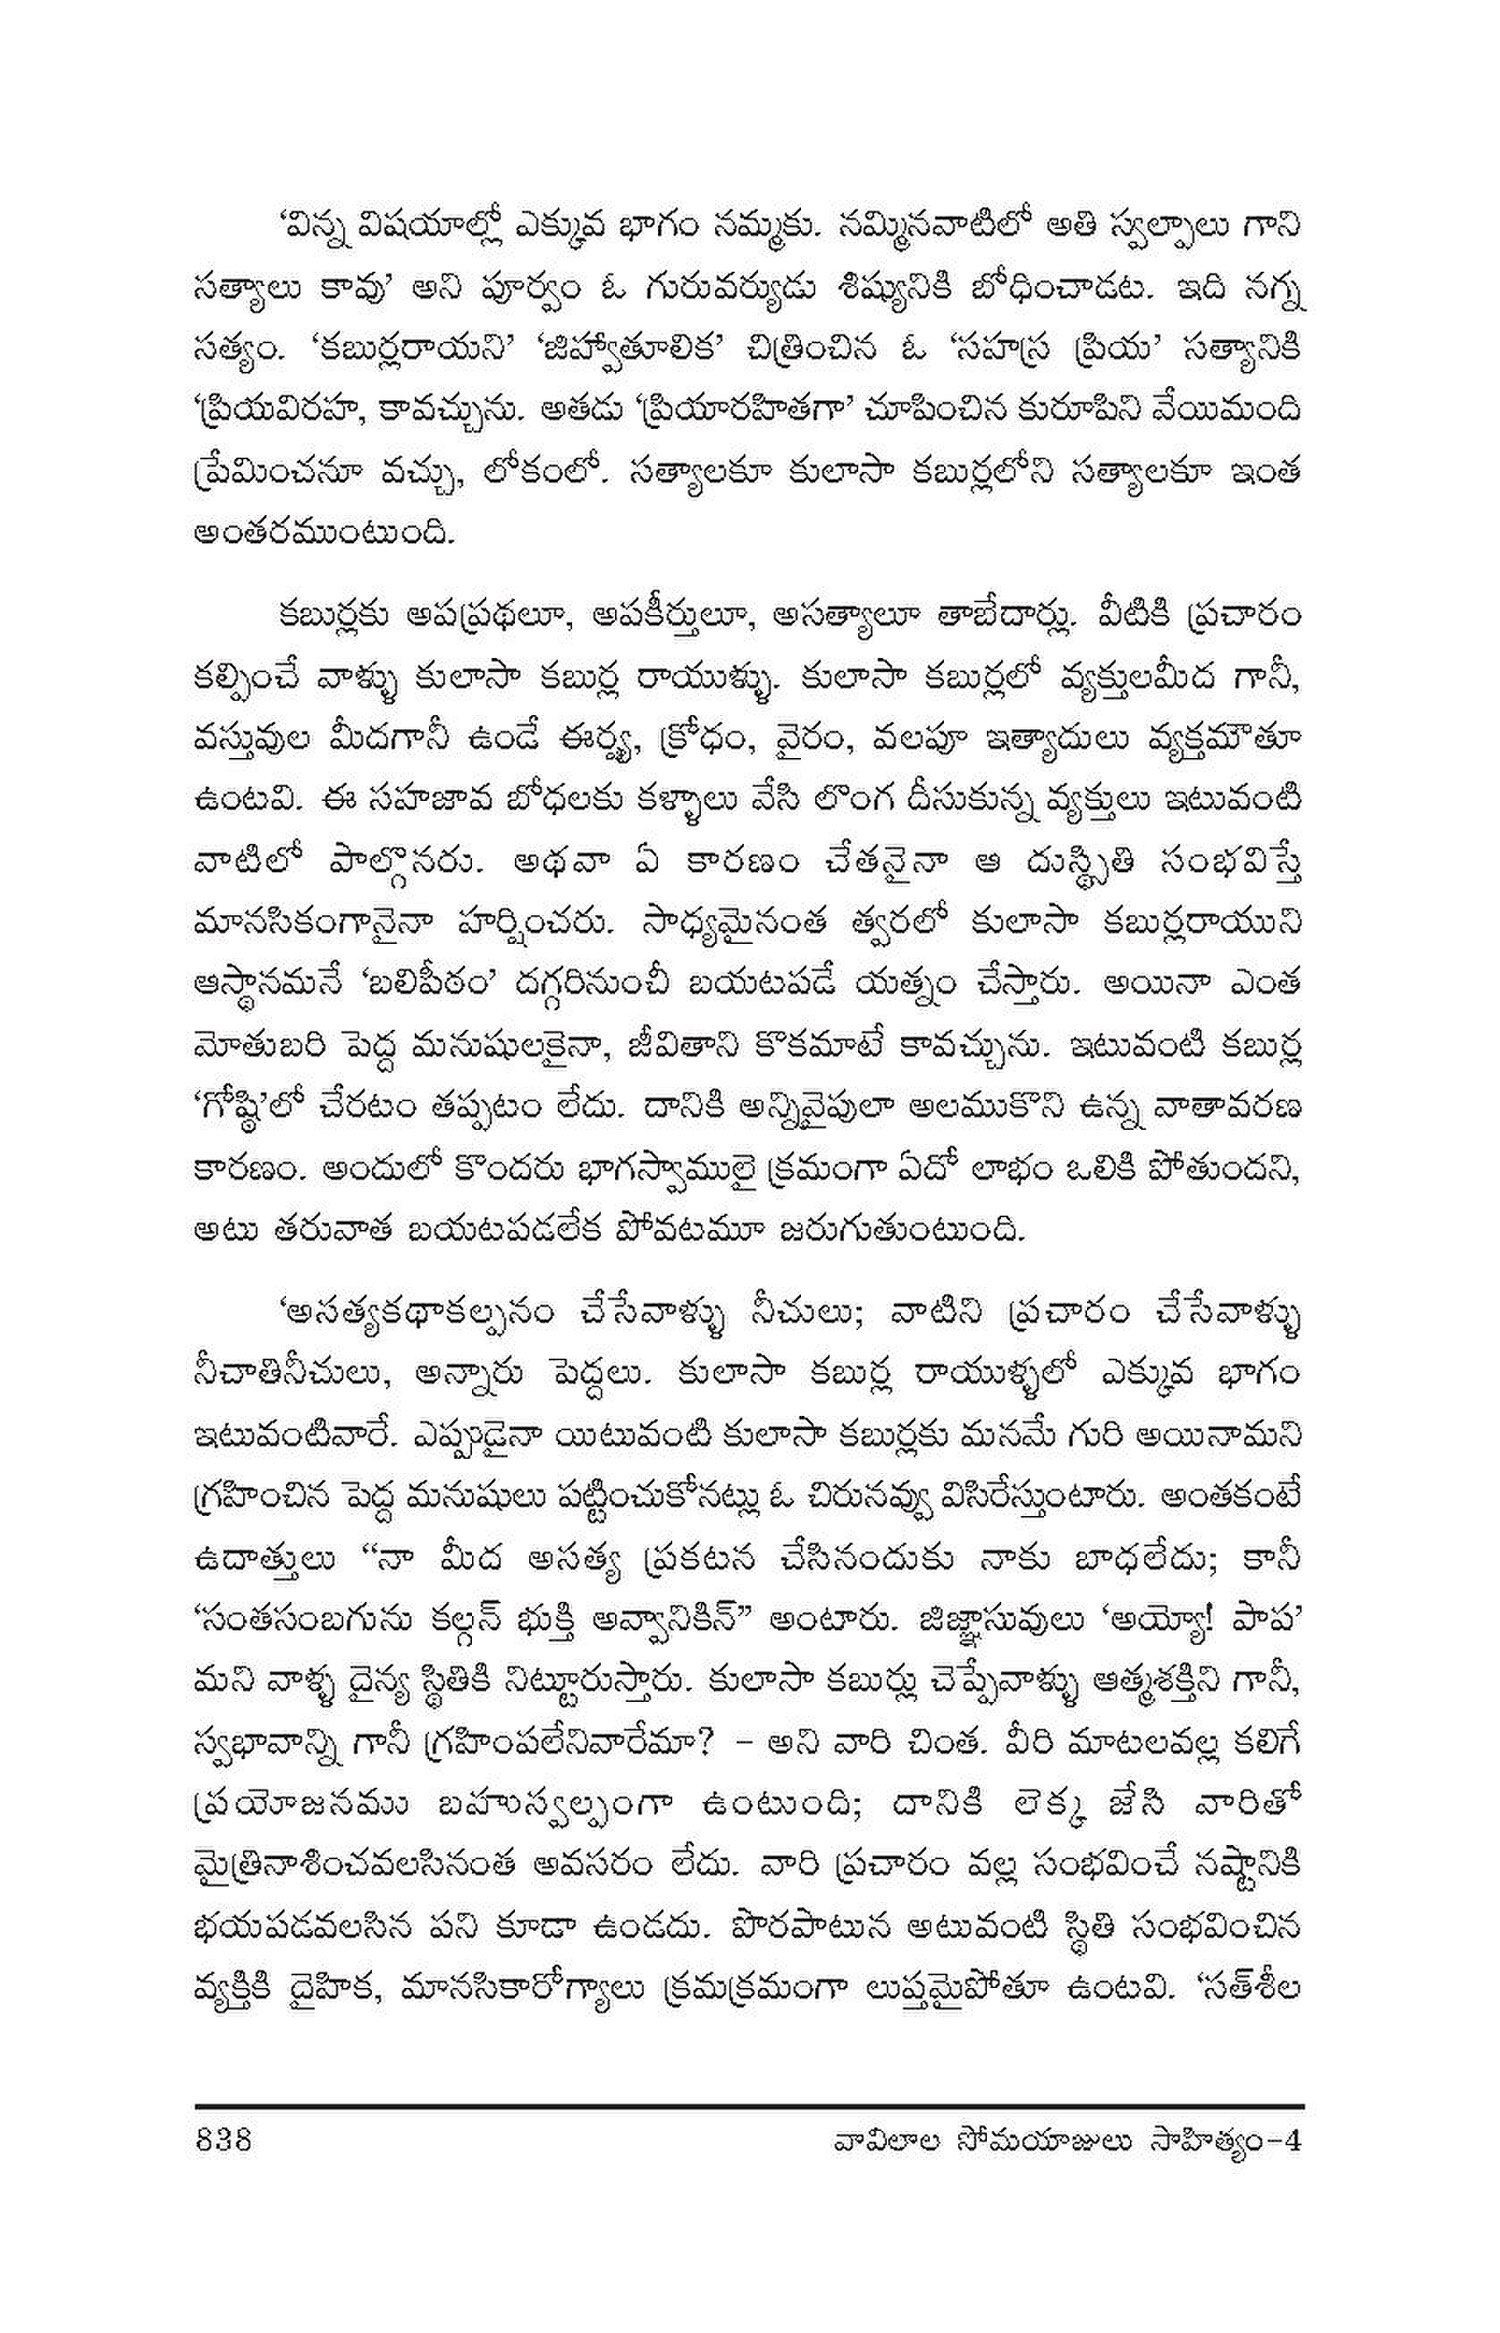'విన్న విషయాల్లో ఎక్కువ భాగం నమ్మకు. నమ్మినవాటిలో అతి స్వల్పాలు గాని
సత్యాలు కావు' అని పూర్వం ఓ గురువర్యుడు శిష్యునికి బోధించాడట. ఇది నగ్న
సత్యం. 'కబుర్లరాయని' 'జిహ్వాతూలిక' చిత్రించిన ఓ 'సహస్ర ప్రియ' సత్యానికి
'ప్రియవిరహ, కావచ్చును. అతడు 'ప్రియారహితగా' చూపించిన కురూపిని వేయిమంది
ప్రేమించనూ వచ్చు, లోకంలో సత్యాలకూ కులాసా కబుర్లలోని సత్యాలకూ ఇంత
అంతరముంటుంది.

కబుర్లకు అపప్రథలూ, అపకీర్తులూ, అసత్యాలూ తాబేదార్లు. వీటికి ప్రచారం
కల్పించే వాళ్ళు కులాసా కబుర్ల రాయుళ్ళు. కులాసా కబుర్లలో వ్యక్తులమీద గానీ,
వస్తువుల మీదగానీ ఉండే ఈర్ష్య, క్రోధం, వైరం, వలపూ ఇత్యాదులు వ్యక్తమౌతూ
ఉంటవి. ఈ సహజావ బోధలకు కళ్ళాలు వేసి లొంగ దీసుకున్న వ్యక్తులు ఇటువంటి
వాటిలో పాల్గొనరు. అథవా ఏ కారణం చేతనైనా ఆ దుస్థితి సంభవిస్తే
మానసికంగానైనా హర్షించరు. సాధ్యమైనంత త్వరలో కులాసా కబుర్లరాయుని
ఆస్థానమనే 'బలిపీఠం’ దగ్గరినుంచీ బయటపడే యత్నం చేస్తారు. అయినా ఎంత
మోతుబరి పెద్ద మనుషులకైనా, జీవితాని కొకమాటే కావచ్చును. ఇటువంటి కబుర్ల
'గోష్ఠి'లో చేరటం తప్పటం లేదు. దానికి అన్నివైపులా అలముకొని ఉన్న వాతావరణ
కారణం. అందులో కొందరు భాగస్వాములై క్రమంగా ఏదో లాభం ఒలికి పోతుందని,
అటు తరువాత బయటపడలేక పోవటమూ జరుగుతుంటుంది.

‘అసత్యకథాకల్పనం చేసేవాళ్ళు నీచులు; వాటిని ప్రచారం చేసేవాళ్ళు
నీచాతినీచులు, అన్నారు పెద్దలు. కులాసా కబుర్ల రాయుళ్ళలో ఎక్కువ భాగం
ఇటువంటివారే. ఎప్పుడైనా యిటువంటి కులాసా కబుర్లకు మనమే గురి అయినామని
గ్రహించిన పెద్ద మనుషులు పట్టించుకోనట్లు ఓ చిరునవ్వు విసిరేస్తుంటారు. అంతకంటే
ఉదాత్తులు “నా మీద అసత్య ప్రకటన చేసినందుకు నాకు బాధలేదు; కానీ
'సంతసంబగును కల్గన్ భుక్తి అవ్వానికిన్" అంటారు. జిజ్ఞాసువులు 'అయ్యో! పాప'
మని వాళ్ళ దైన్య స్థితికి నిట్టూరుస్తారు. కులాసా కబుర్లు చెప్పేవాళ్ళు ఆత్మశక్తిని గానీ,
స్వభావాన్ని గానీ గ్రహింపలేనివారేమా? - అని వారి చింత. వీరి మాటలవల్ల కలిగే
ప్రయోజనము బహుస్వల్పంగా ఉంటుంది; దానికి లెక్క జేసి వారితో
మైత్రినాశించవలసినంత అవసరం లేదు. వారి ప్రచారం వల్ల సంభవించే నష్టానికి
భయపడవలసిన పని కూడా ఉండదు. పొరపాటున అటువంటి స్థితి సంభవించిన
వ్యక్తికి దైహిక, మానసికారోగ్యాలు క్రమక్రమంగా లుప్తమైపోతూ ఉంటవి. 'సత్‌శీల